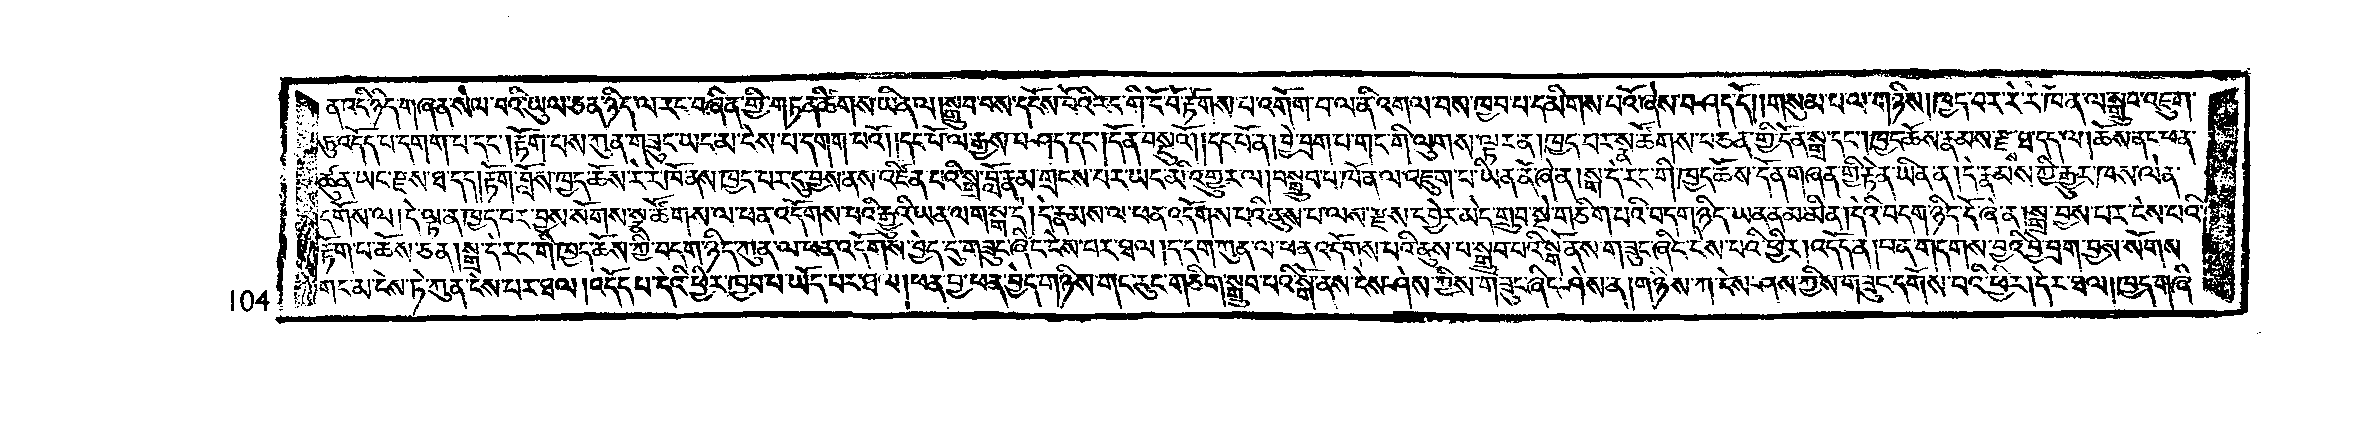ན་འདི་ཉིད་གཞན་སེལ་བའི་ཡུལ་ཅན་ཉིད་ལ་རང་བཞིན་གྱི་གཏན་ཚིགས་ཡིན་ལ། སྒྲུབ་པས་དངོས་པོའི་རང་གི་ངོ་བོ་རྟོགས་པ་འགོག་པ་ལ་ནི་འགལ་བས་ཁྱབ་པ་དམིགས་པའོ་ཞེས་བཤད་དོ། །གསུམ་པ་ལ་གཉིས། ཁྱད་པར་རེ་རེ་ཁོ་ན་ལ་སྒྲུབ་འཇུག་
ཏུ་འདོད་པ་དགག་པ་དང་། རྟོག་པས་ཀུན་གཟུང་ཡང་མ་ངེས་པ་དགག་པའོ། །དང་པོ་ལ་རྒྱས་བཤད་དང་། དོན་བསྡུའོ། །དང་པོ་ན། བྱེ་བྲག་པ་གང་གི་ལུགས་ལྟར་ན། ཁྱད་པར་སྣ་ཚོགས་པ་ཅན་གྱི་དོན་སྒྲ་དང་། ཁྱད་ཆོས་རྣམས་རྫས་ཐ་དད་ལ། ཆོས་ནང་ཕན་
ཚུན་ཡང་རྫས་ཐ་དད། རྟོག་བློས་ཁྱད་ཆོས་རེ་རེ་ཁོ་ནས་ཁྱད་པར་དུ་བྱས་ནས་འཛིན་པའི་སྒྲ་བློ་རྣམ་གྲངས་པར་ཡང་མི་འགྱུར་ལ། བསྒྲུབ་པ་ཁོ་ན་ལ་འཇུག་པ་ཡིན་ནོ་ཞེ་ན། སྒྲོ་དེ་རང་གི་ཁྱད་ཆོས་དོན་གཞན་གྱི་རྟེན་ཡིན་ན། དེ་རྣམས་ཀྱི་རྒྱུར་ཁས་ལེན་
དགོས་ལ། དེ་ལྟ་ན་ཁྱད་པར་བྱས་སོགས་སྣ་ཚོགས་ལ་ཕན་འདོགས་པའི་རྒྱུའི་ཡན་ལག་སྒྲ་དེ། དེ་རྣམས་ལ་ཕན་འདོགས་པའི་ནུས་པ་ལས་རྫས་དབྱེར་མེད་གྲུབ་སྡེ་གཅིག་པའི་བདག་ཉིད་ཡིན་ནམ་མིན། དེའི་བདག་ཉིད་དོ་ཞེ་ན། སྒྲ་བྱས་པར་ངེས་པའི་
རྟོག་པ་ཆོས་ཅན། སྒྲ་དེ་རང་གི་ཁྱད་ཆོས་ཀྱི་བདག་ཉིད་ཀུན་ལ་ཕན་འདོགས་བྱེད་དུ་གཟུང་ཞིང་ངེས་པར་ཐལ། དེ་དག་ཀུན་ལ་ཕན་འདོགས་པའི་ནུས་པ་སྒྲུབ་པའི་སྒོ་ནས་གཟུང་ཞིང་ངེས་པའི་ཕྱིར། འདོད་ན། བན་གདགས་བྱའི་བྱེ་བྲག་བྱས་སོགས་
གང་མ་ངེས་ཏེ་ཀུན་ངེས་པར་ཐལ། འདོད་པ་དེའི་ཕྱིར་ཁྱབ་པ་ཡོད་པར་ཐལ། ཕན་བྱ་ཕན་བྱེད་གཉིས་གང་རུང་གཅིག་སྒྲུབ་པའི་སྒོ་ནས་ངེས་ཤེས་ཀྱིས་གཟུང་ཞིང་ཤེས་ན། གཉིས་ཀ་ངེས་ཤས་ཀྱིས་གཟུང་དགོས་བའི་ཕྱིར། དེར་ཐལ། ཁྱད་གཞི་